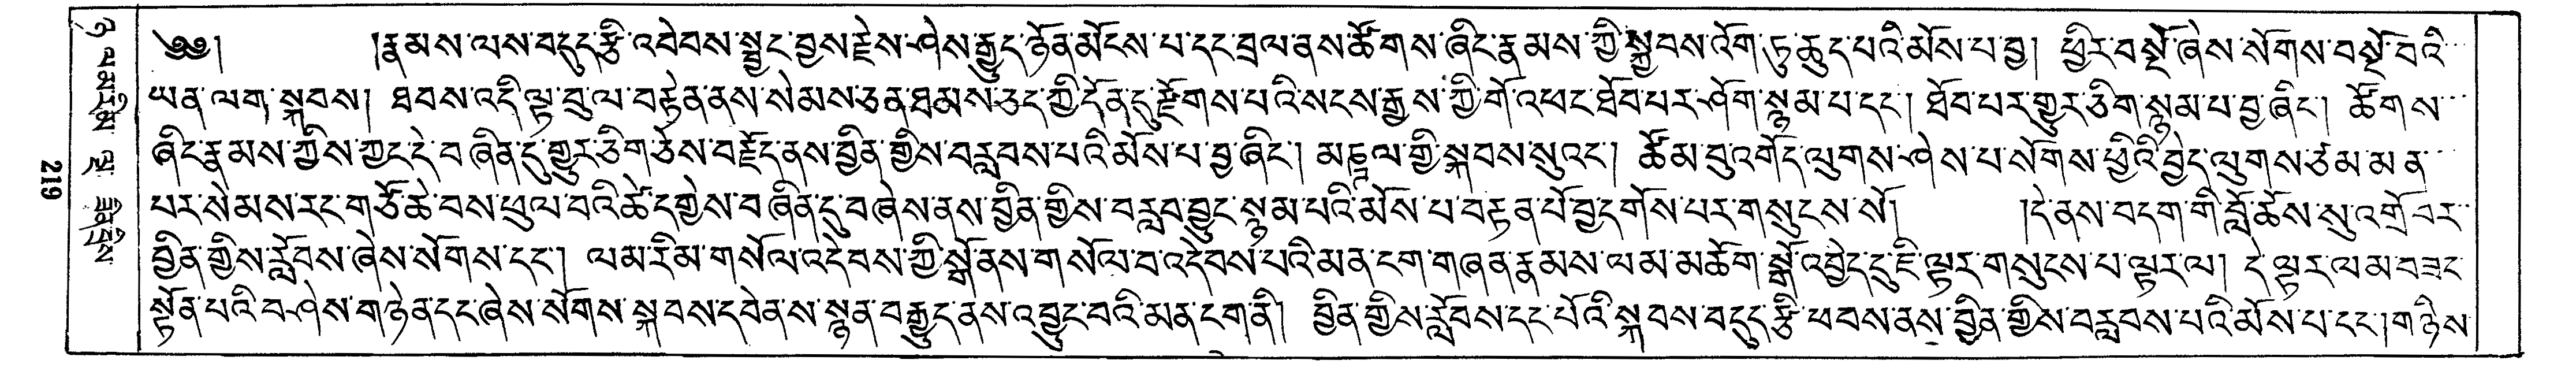༄༅། །རྣམས་ལས་བདུད་རྩི་འབེབས་སྦྱང་བྱས་རྗེས་ཤེས་རྒྱུད་ཉོན་མོངས་པ་དང་བྲལ་ནས་ཚོགས་ཞིང་རྣམས་ཀྱི་སྐྱབས་འོག་ཏུ་ཆུང་པའི་མོས་པ་བྱ། ཕྱིར་བསྔོ་ཞེས་སོགས་བསྔོ་བའི་
ཡན་ལག་སྐབས། ཐབས་འདི་ལྟ་བུ་ལ་བརྟེན་ནས་སེམས་ཅན་ཐམས་ཅད་ཀྱི་དོན་དུ་རྫོགས་པའི་སངས་རྒྱས་ཀྱི་གོ་འཕང་ཐོབ་པར་ཤོག་སྙམ་པ་དང་། ཐོབ་པར་གྱུར་ཅིག་སྙམ་བ་བྱ་ཞིང་། ཚོགས་
ཞིང་རྣམས་ཀྱིས་ཀྱང་དེ་བཞིན་དུ་གྱུར་ཅིག་ཅེས་བརྗོད་ནས་བྱིན་གྱིས་བརླབས་པའི་མོས་བ་བྱ་ཞིང་། མཎྜལ་གྱི་སྐབས་སུའང་། ཚོམ་བུ་འགོད་ལུགས་ཤེས་པ་སོགས་ཕྱིའི་བྱེད་ལུགས་ཙམ་མིན་
པར་སེམས་རང་གཙོ་ཆེ་བས་ཕུལ་བའི་ཚེ་དགྱེས་བཞིན་དུ་བཞེས་ནས་བྱིན་གྱིས་བརླབ་བྱུང་སྙམ་པའི་མོས་པ་བརྟན་པོ་བྱ་དགོས་པར་གསུངས་སོ། །དེ་ནས་བདག་གི་བློ་ཆོས་སུ་འགྲོ་བར་
བྱིན་གྱིས་རློབས་ཞེས་སོགས་དང་། ལམ་རིམ་གསོལ་འདེབས་ཀྱི་སྒོ་ནས་གསོལ་བ་འདེབས་པའི་མན་ངག་གཞན་རྣམས་ལམ་མཆོག་སྒོ་འབྱེད་དུ་ཇི་ལྟར་གསུངས་པ་ལྟར་ལ། དེ་ལྟར་ལམ་བཟང་
སྟོན་པའི་བཤེས་གཉེན་དང་ཞེས་སོགས་སྐབས་དབེན་ས་སྙན་བརྒྱུད་ནས་འབྱུང་བའི་མན་ངག་ནི། བྱིན་གྱིས་རློབས་དང་པོའི་སྐབས་བདུད་རྩི་ཕབས་ནས་བྱིན་གྱིས་བརླབས་པའི་མོས་པ་དང་། གཉིས་